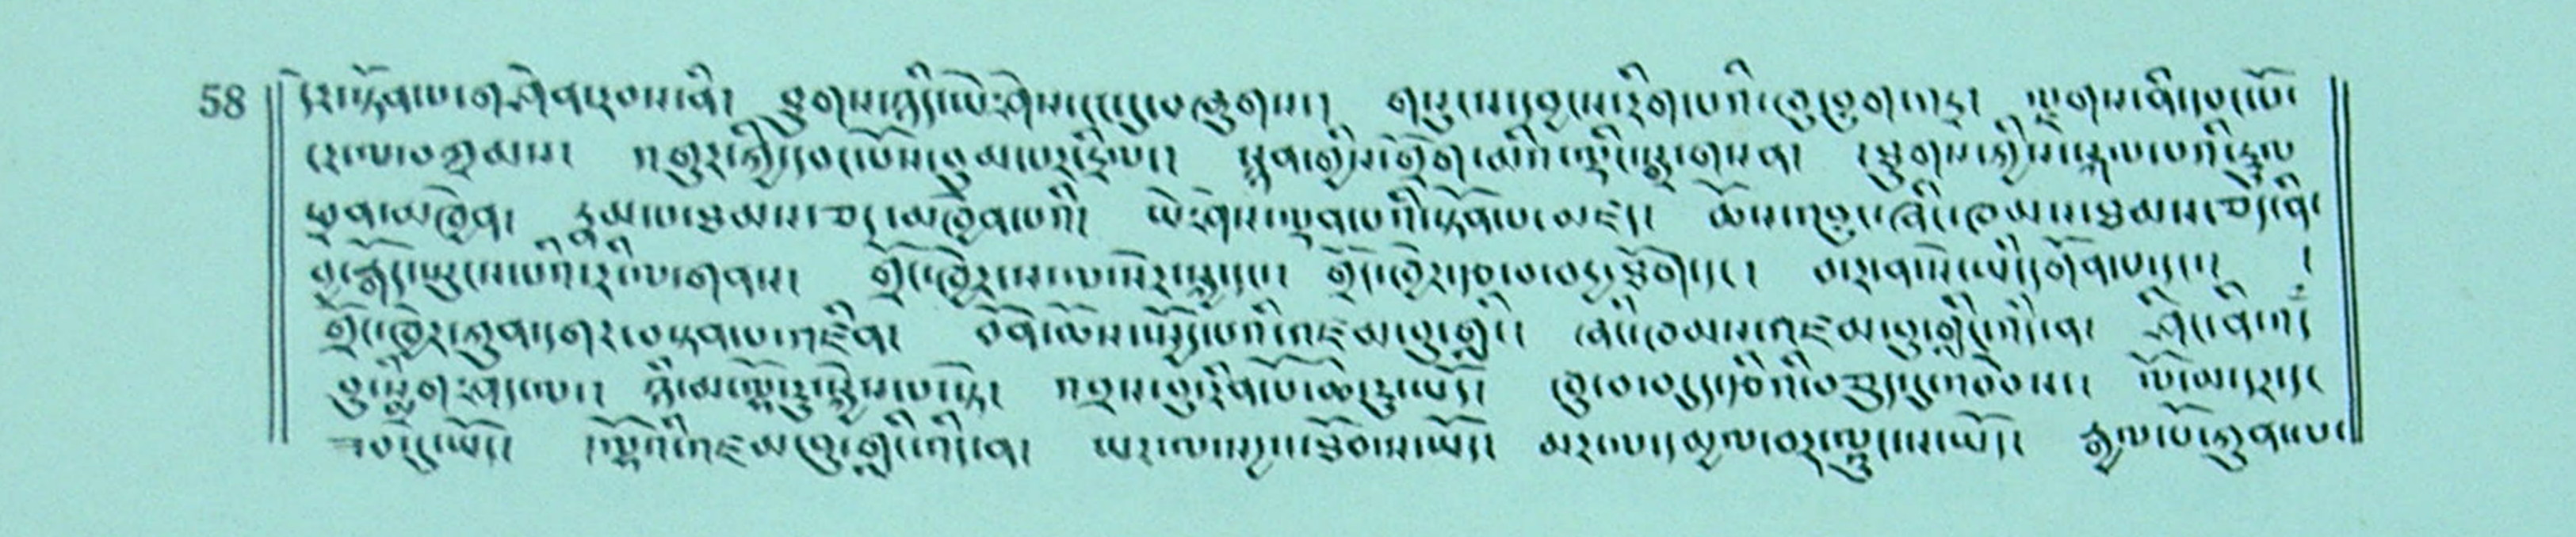༄༅། །དེར་སྟོན་པ་གཤེན་རབ་ནི། ཐུགས་ཉིད་ཡེ་ཤེས་ངང་དུ་བཞུགས། གསུང་དབྱངས་རིག་པའི་ཁུ་བྱུག་འདྲ། ལྗགས་ནི་དབང་པོ་
ངར་ལ་བཀྲམས། མགུར་གྱི་དབང་པོར་བུམ་པར་དྲིལ། སྙན་གྱིས་གྲོག་མའི་[བསྒྲགས་པའི]ལྡིང་སྒྲ་གསན། ཐུགས་ཀྱིས་བསྐལ་བའི་རྡུལ་
ཕྲན་མཁྱེན། རྣམ་པ་ཐམས་ཅད་མཁྱེན་པའི། ཡེ་ཤེས་ལྡན་པའི་སྟོན་པ་མཛད། ཆོས་འབྱུང་ཞིང་ཁམས་ཐམས་ཅད་ནི། 
བྱ་རྒོད་སྤུངས་པའི་རི་ལ་བཞུགས། གྲོང་ཁྱེར་ས་ལ་སེར་སྐྱ་དང་། གྲོང་ཁྱེར་རྩ་བ་བརྒྱ་ཐོག་དང་། བ་༼ ཝ༽ར་ཎ་སིའི་དགོན་པ་དང་།
 གྲོང་ཁྱེར་ཀུན་དགར་སྟོན་པར་བསྟན་པ་འཛིན། བོན་ཆོས་སྤྱོད་པའི་འཛམ་བུའི་གླིང་། ཞིང་ཁམས་འཛམ་བུའི་གླིང་འདི་ན། ཤིང་ནི་འདམ་
བུ་སྨྲིག་ཤད་ལ། ཉི་མ་ལྷོ་རུ་སྐྱེས་པ་དེ། འབྲས་བུ་རིན་པོ་ཆེ་རུ་ཡོད། ཁུ་བ་བདུད་རྩིའི་བཅུད་དུ་འབེབས། ལོ་མ་དར་དང་
ཟབ་ཏུ་ཡོད། ལྷོ་ཡི་འཛམ་བུའི་གླིང་འདི་ན། ཡར་ལ་སངས་རྒྱས་ཐོབ་ས་དང་། མར་ལ་དམྱལ་བར་ལྟུང་ས་ཡོད། རྒྱལ་བོ་ཀུན་ལ་